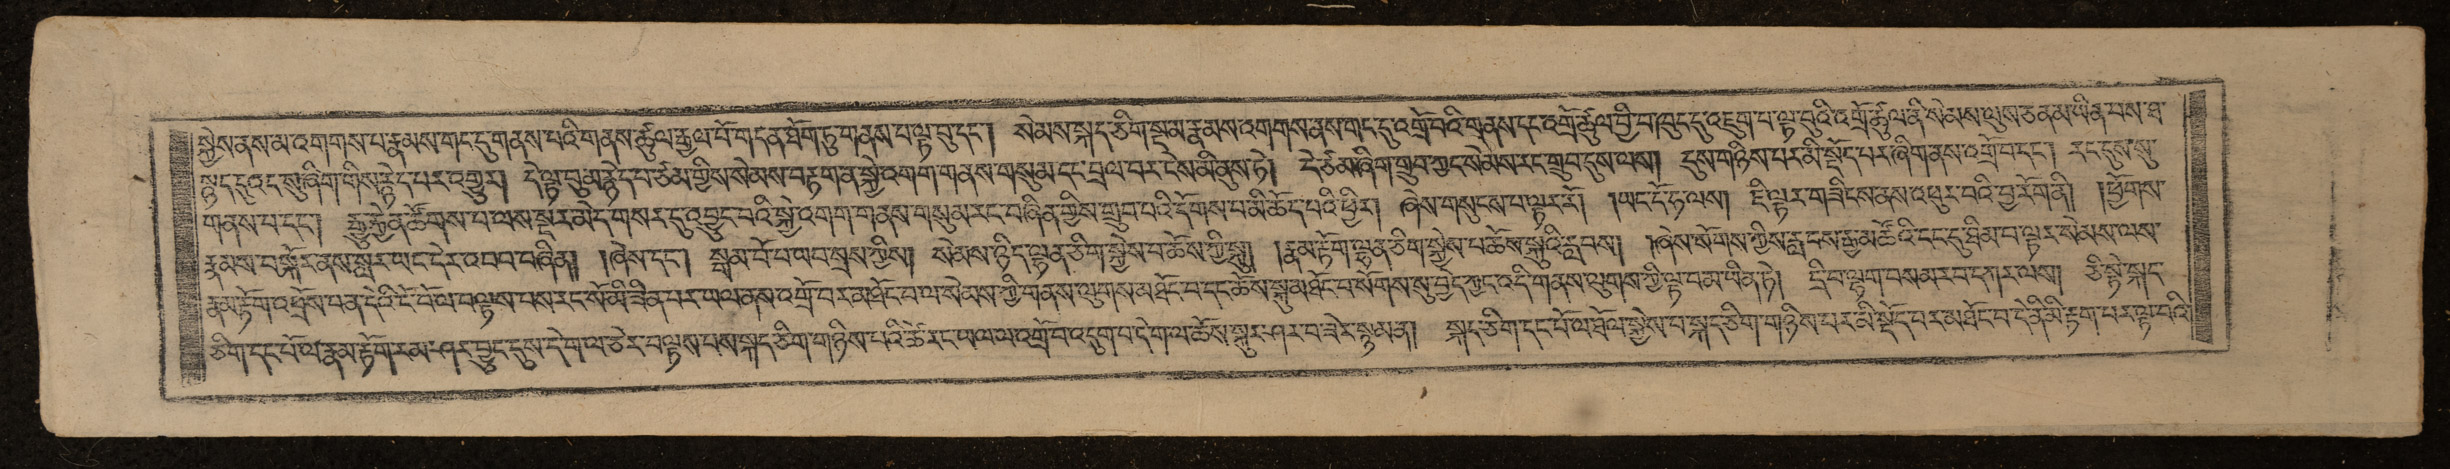སྐྱེས་ནས་མ་འགགས་བ་རྣམས་གང་དུ་གནས་པའི་གནས་ཚུལ་རྒྱལ་པོ་གདན་ཐོག་ཏུ་གནས་པ་ལྟ་བུ་དང་། སེམས་སྐད་ཅིག་སྔ་མ་རྣམས་འགགས་ནས་གང་དུ་འགྲོ་བའི་གནས་དང་འགྲོ་ཚུལ་བྱི་བ་ཁུང་དུ་འཇུག་པ་ལྟ་བུའི་འགྲོ་ཚུལ་ནི་སེམས་ལུས་ཅན་མ་ཡིན་པས་ཐ་
སྙད་དུའང་སུ་ཞིག་གིས་རྙེད་པར་འགྱུར། དེ་ལྟ་བུ་མ་རྙེད་པ་ཙམ་གྱིས་སེམས་བརྟག་ན་སྐྱེ་འགག་གནས་གསུམ་དང་བྲལ་བར་ངེས་མི་ནུས་ཏེ། དེ་ཙམ་ཞིག་གྲུབ་ཀྱང་སེམས་རང་གྲུབ་དུས་ལས། དུས་གཉིས་པར་མི་སྡོད་བར་ཞིག་ནས་འགྲོ་བ་དང་། རང་དུས་སུ་
གནས་པ་དང་། རྒྱུ་རྐྱེན་ཚོགས་པ་ལས་སྔར་མེད་གསར་དུ་འབྱུང་བའི་སྐྱེ་འགག་གནས་གསུམ་རང་བཞིན་གྱིས་གྲུབ་པའི་དོགས་པ་མི་ཆོད་པའི་ཕྱིར། ཞེས་གསུངས་བ་ལྟར་རོ། །ཡང་དོ་ཧ་ལས། ཇི་ལྟར་གཟིངས་ནས་འཕུར་བའི་བྱ་རོག་ནི། །ཕྱོགས་
རྣམས་བསྐོར་ནས་སླར་ཡང་དེར་འབབ་བཞིན། །ཞེས་དང་། སྒམ་པོ་པ་ཡབ་སྲས་ཀྱིས། སེམས་ཉིད་ལྷན་ཅིག་སྐྱེས་བ་ཆོས་ཀྱི་སྐུ། །རྣམ་རྟོག་ལྷན་ཅིག་སྐྱེས་པ་ཆོས་སྐུའི་རླབས། །ཞེས་སོགས་ཀྱིས་རླབས་རྒྱ་མཚོའི་ངང་དུ་ཐིམ་པ་ལྟར་སེམས་ལས་
རྣམ་རྟོག་འཕྲོས་པ་ན་དེའི་ངོ་བོ་ལ་བལྟས་པས་རང་སོ་མི་ཟིན་པར་ཡལ་ནས་འགྲོ་བར་མཐོང་བ་ལ་སེམས་ཀྱི་གནས་ལུགས་མཐོང་བ་དང་ཆོས་སྐུ་མཐོང་བ་སོགས་སུ་བྱེད་ཀྱང་འདི་གནས་ལུགས་ཀྱི་ལྟ་བ་མ་ཡིན་ཏེ། དྲི་བ་ལྷག་བསམ་རབ་དཀར་ལས། ཅི་སྟེ་སྐད་
ཅིག་དང་པོ་ལ་རྣམ་རྟོག་རམ་ཤར་བྱུང་དུས་དེ་གལ་ཅེར་བལྟས་པས་སྐད་གཅིག་གཉིས་པའི་ཚེ་རང་ཡལ་ལ་འགྲོ་བ་འདུག་པ་དེ་གལ་ཆོས་སྐུར་ཤར་བ་ཟེར་སྙམ་ན། སྐད་ཅིག་དང་པོ་ལ་ཐོལ་སྐྱེས་བསྐད་ཅིག་གཉིས་པར་མི་སྡོད་བར་མཐོང་བ་དེ་ནི་མི་རྟག་བར་ལྟ་བའི་